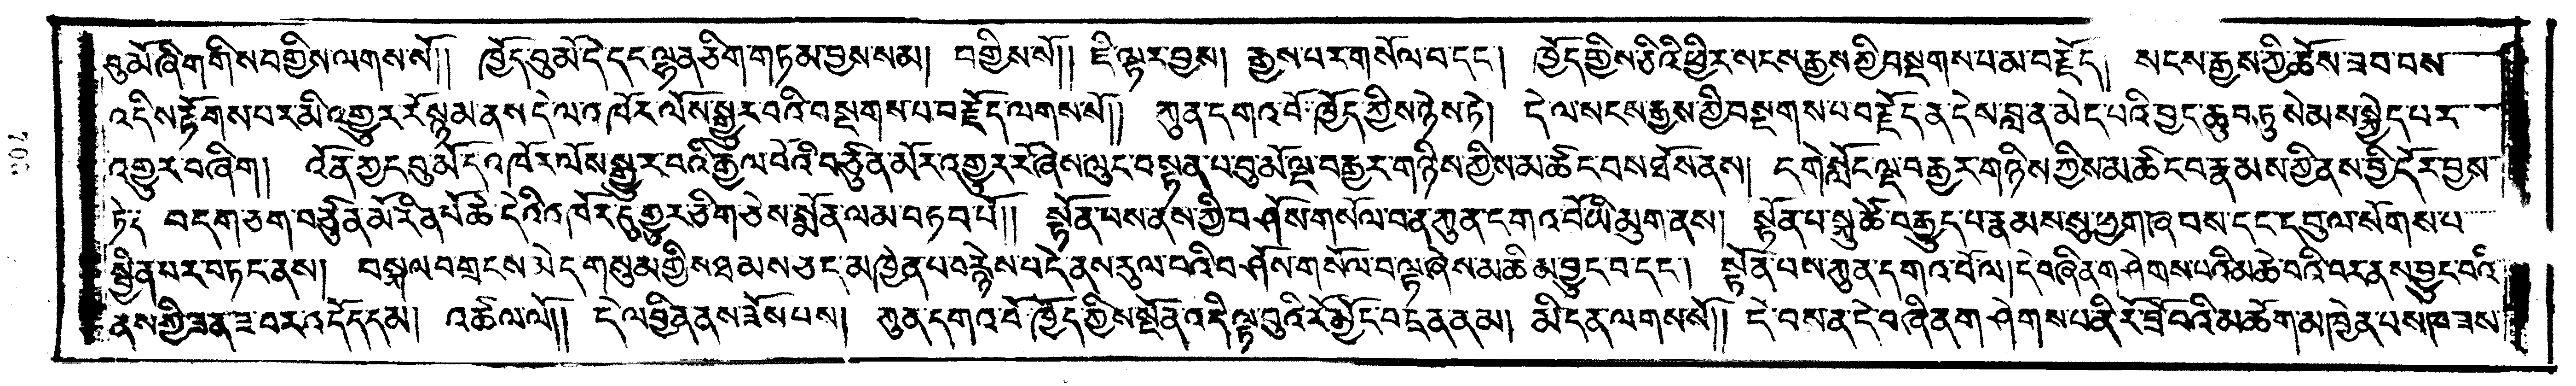བུ་མོ་ཞིག་གིས་བགྱིས་ལགས་སོ།། ཁྱོད་བུ་མོ་དེ་དང་ལྷན་ཅིག་གཏམ་བྱས་སམ། བགྱིས་སོ།། ཇི་ལྟར་བྱས། རྒྱས་པར་གསོལ་བ་དང་། ཁྱོད་ཀྱིས་ཅིའི་ཕྱིར་སངས་རྒྱས་ཀྱི་བསྔགས་པ་མ་བརྗོད། སངས་རྒྱས་ཀྱི་ཆོས་ཟབ་བས་
འདིས་རྟོགས་པར་མི་འགྱུར་རོ་སྙམ་ནས་དེ་ལ་འཁོར་ལོས་སྒྱུར་བའི་བསྔགས་པ་བརྗོད་ལགས་སོ།། ཀུན་དགའ་བོ་ཁྱོད་ཀྱིས་ཉེས་ཏེ། དེ་ལ་སངས་རྒྱས་ཀྱི་བསྔགས་པ་བརྗོད་ན་དེས་བླ་ན་མེད་པའི་བྱང་ཆུབ་ཏུ་སེམས་སྐྱེད་པར་
འགྱུར་བཞིག། འོན་ཀྱང་བུ་མོད་འཁོར་ལོས་སྒྱུར་བའི་རྒྱལ་བོའི་བཙུན་མོར་འགྱུར་རོ་ཞེས་ལུང་བསྟན་པ་བུ་མོ་ལྔ་བརྒྱར་གཉིས་ཀྱིས་མ་ཚང་བས་ཐོས་ནས། དགེ་སློང་ལྔ་བརྒྱར་གཉིས་ཀྱིས་མ་ཚང་བ་རྣམས་ཀྱི་ནས་བྱི་དོར་བྱས་
ཏེ༑ བདག་ཅག་བཙུན་མོ་རིན་པོ་ཆེ་དེའི་འཁོར་དུ་གྱུར་ཅིག་ཅེས་སྨོན་ལམ་བཏབ་པོ།། སྟོན་པས་ནས་ཀྱི་བཤོས་གསོལ་བ་ན་ཀུན་དགའ་བོ་ཡི་མུག་ནས། སྟོན་པ་སྐུ་ཚེ་བརྒྱུད་པ་རྣམས་སུ་ཕྱག་ཞབས་དང་དབུ་ལ་སོགས་པ་
སྦྱིན་པར་བཏང་ནས། བསྐལ་བ་གྲངས་མེད་གསུམ་གྱིས་ཐམས་ཅད་མཁྱེན་པ་བརྙེས་པ་དེ་ནས་རུལ་བའི་བཤོས་གསོལ་བ་ལྟ་ཞེས་མཆིམ་བྱུང་བ་དང་། སྟོན་པས་ཀུན་དགའ་བོ་ལ། དེ་བཞིན་གཤེགས་པའི་མཆེ་བའི་བར་ནས་བྱུང་བའི་
ནས་ཀྱི་ཟན་ཟ་བར་འདོད་དམ། འཚལ་ལོ།། དེ་ལ་བྱིན་ནས་ཟོས་པས། ཀུན་དགའ་བོ་ཁྱོད་ཀྱིས་སྔོན་འདི་ལྟ་བུའི་རོ་མྱོང་བ་དྲན་ནམ། མི་དྲན་ལགས་སོ།། དེ་བས་ན་དེ་བཞིན་གཤེགས་པ་ནི་རོ་བྲོ་བའི་མཆོག་མཁྱེན་པས་ཁ་ཟས་